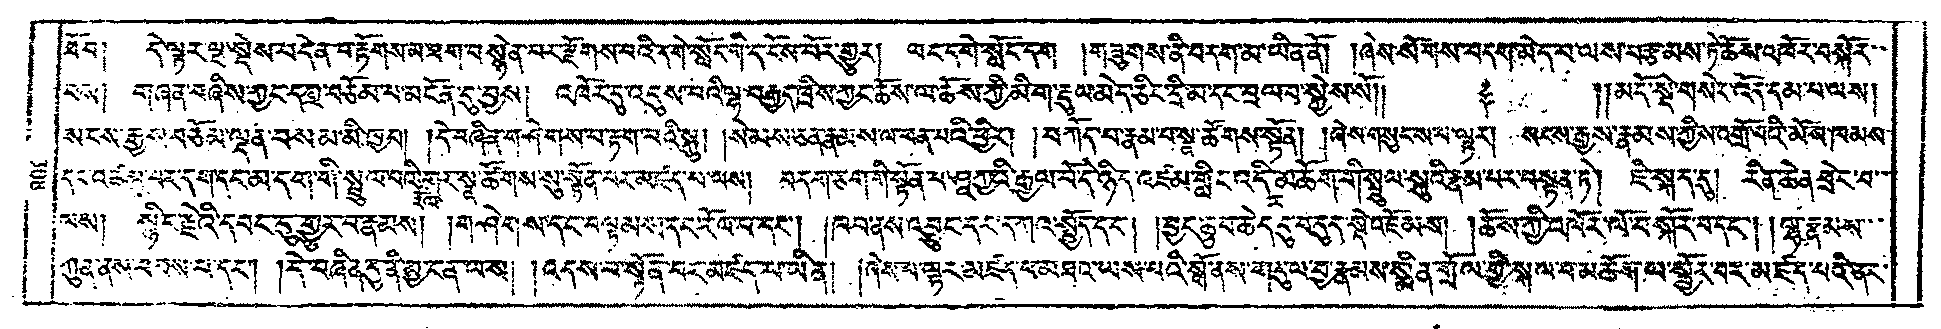ཐོབ། དེ་ལྟར་ལྔ་སྡེས་བདེན་པ་རྟོགས་མ་ཐག་བསྙེན་པར་རྫོགས་པའི་དགེ་སློང་གི་དངོས་པོར་གྱུར། ཡང་དགེ་སློང་དག །གཟུགས་ནི་བདག་མ་ཡིན་ནོ། །ཞེས་སོགས་བདག་མེད་པ་ལས་བརྩམས་ཏེ་ཆོས་འཁོར་བསྐོར་
བས། གཞན་བཞིས་ཀྱང་དགྲ་བཅོམ་པ་མངོན་དུ་བྱས། འཁོར་དུ་འདུས་པའི་ལྷ་བརྒྱད་ཁྲིས་ཀྱང་ཆོས་ལ་ཆོས་ཀྱི་མིག་རྡུལ་མེད་ཅིང་དྲི་མ་དང་བྲལ་བ་སྐྱེས་སོ།། ༈ །།མདོ་སྡེ་གསེར་འོད་དམ་པ་ལས།
སངས་རྒྱས་བཅོམ་ལྡན་བསམ་མི་ཁྱབ། །དེ་བཞིན་གཤེགས་པ་རྟག་པའི་སྐུ། །སེམས་ཅན་རྣམས་ལ་ཕན་པའི་ཕྱིར། །བཀོད་པ་རྣམ་པ་སྣ་ཚོགས་སྟོན། །ཞེས་གསུངས་པ་ལྟར། སངས་རྒྱས་རྣམས་ཀྱིས་འགྲོ་བའི་མོས་ཁམས་
དང་འཚམ་པར་དག་དང་མ་དག་གི་སྤྲུལ་པའི་རོལ་གར་སྣ་ཚོགས་སུ་སྟོན་པར་མཛད་པ་ལས། བདག་ཅག་གི་སྟོན་པ་ཤཱཀྱའི་རྒྱལ་པོ་དེ་ཉིད་འཛམ་གླིང་འདིར་མཆོག་གི་སྤྲུལ་སྐུའི་རྣམ་པར་བསྟན་ཏེ། ཇི་སྐད་དུ། རིན་ཆེན་ཕྲེང་བ་
ལས། སྙིང་རྗེའི་དབང་དུ་གྱུར་པ་རྣམས། །གཤེགས་དང་བལྟམས་དང་རོལ་པ་དང་། །ཁབ་ནས་འབྱུང་དང་དཀའ་སྤྱོད་དང་། །བྱང་ཆུབ་ཆེད་དུ་བདུད་སྡེ་འཇོམས། །ཆོས་ཀྱི་འཁོར་ལོ་བསྐོར་བ་དང་། །ལྷ་རྣམས་
ཀུན་ནས་བབས་པ་དང་། །དེ་བཞིན་དུ་ནི་མྱ་ངན་ལས། །འདས་པ་སྟོན་པར་མཛད་པ་ཡིན། །ཞེས་པ་ལྟར་མཛད་པ་མཐའ་ཡས་པའི་སྒོ་ནས་གདུལ་བྱ་རྣམས་སྨིན་གྲོལ་གྱི་སྐལ་བ་མཆོག་ལ་སྦྱོར་བར་མཛད་པའི་ནང་